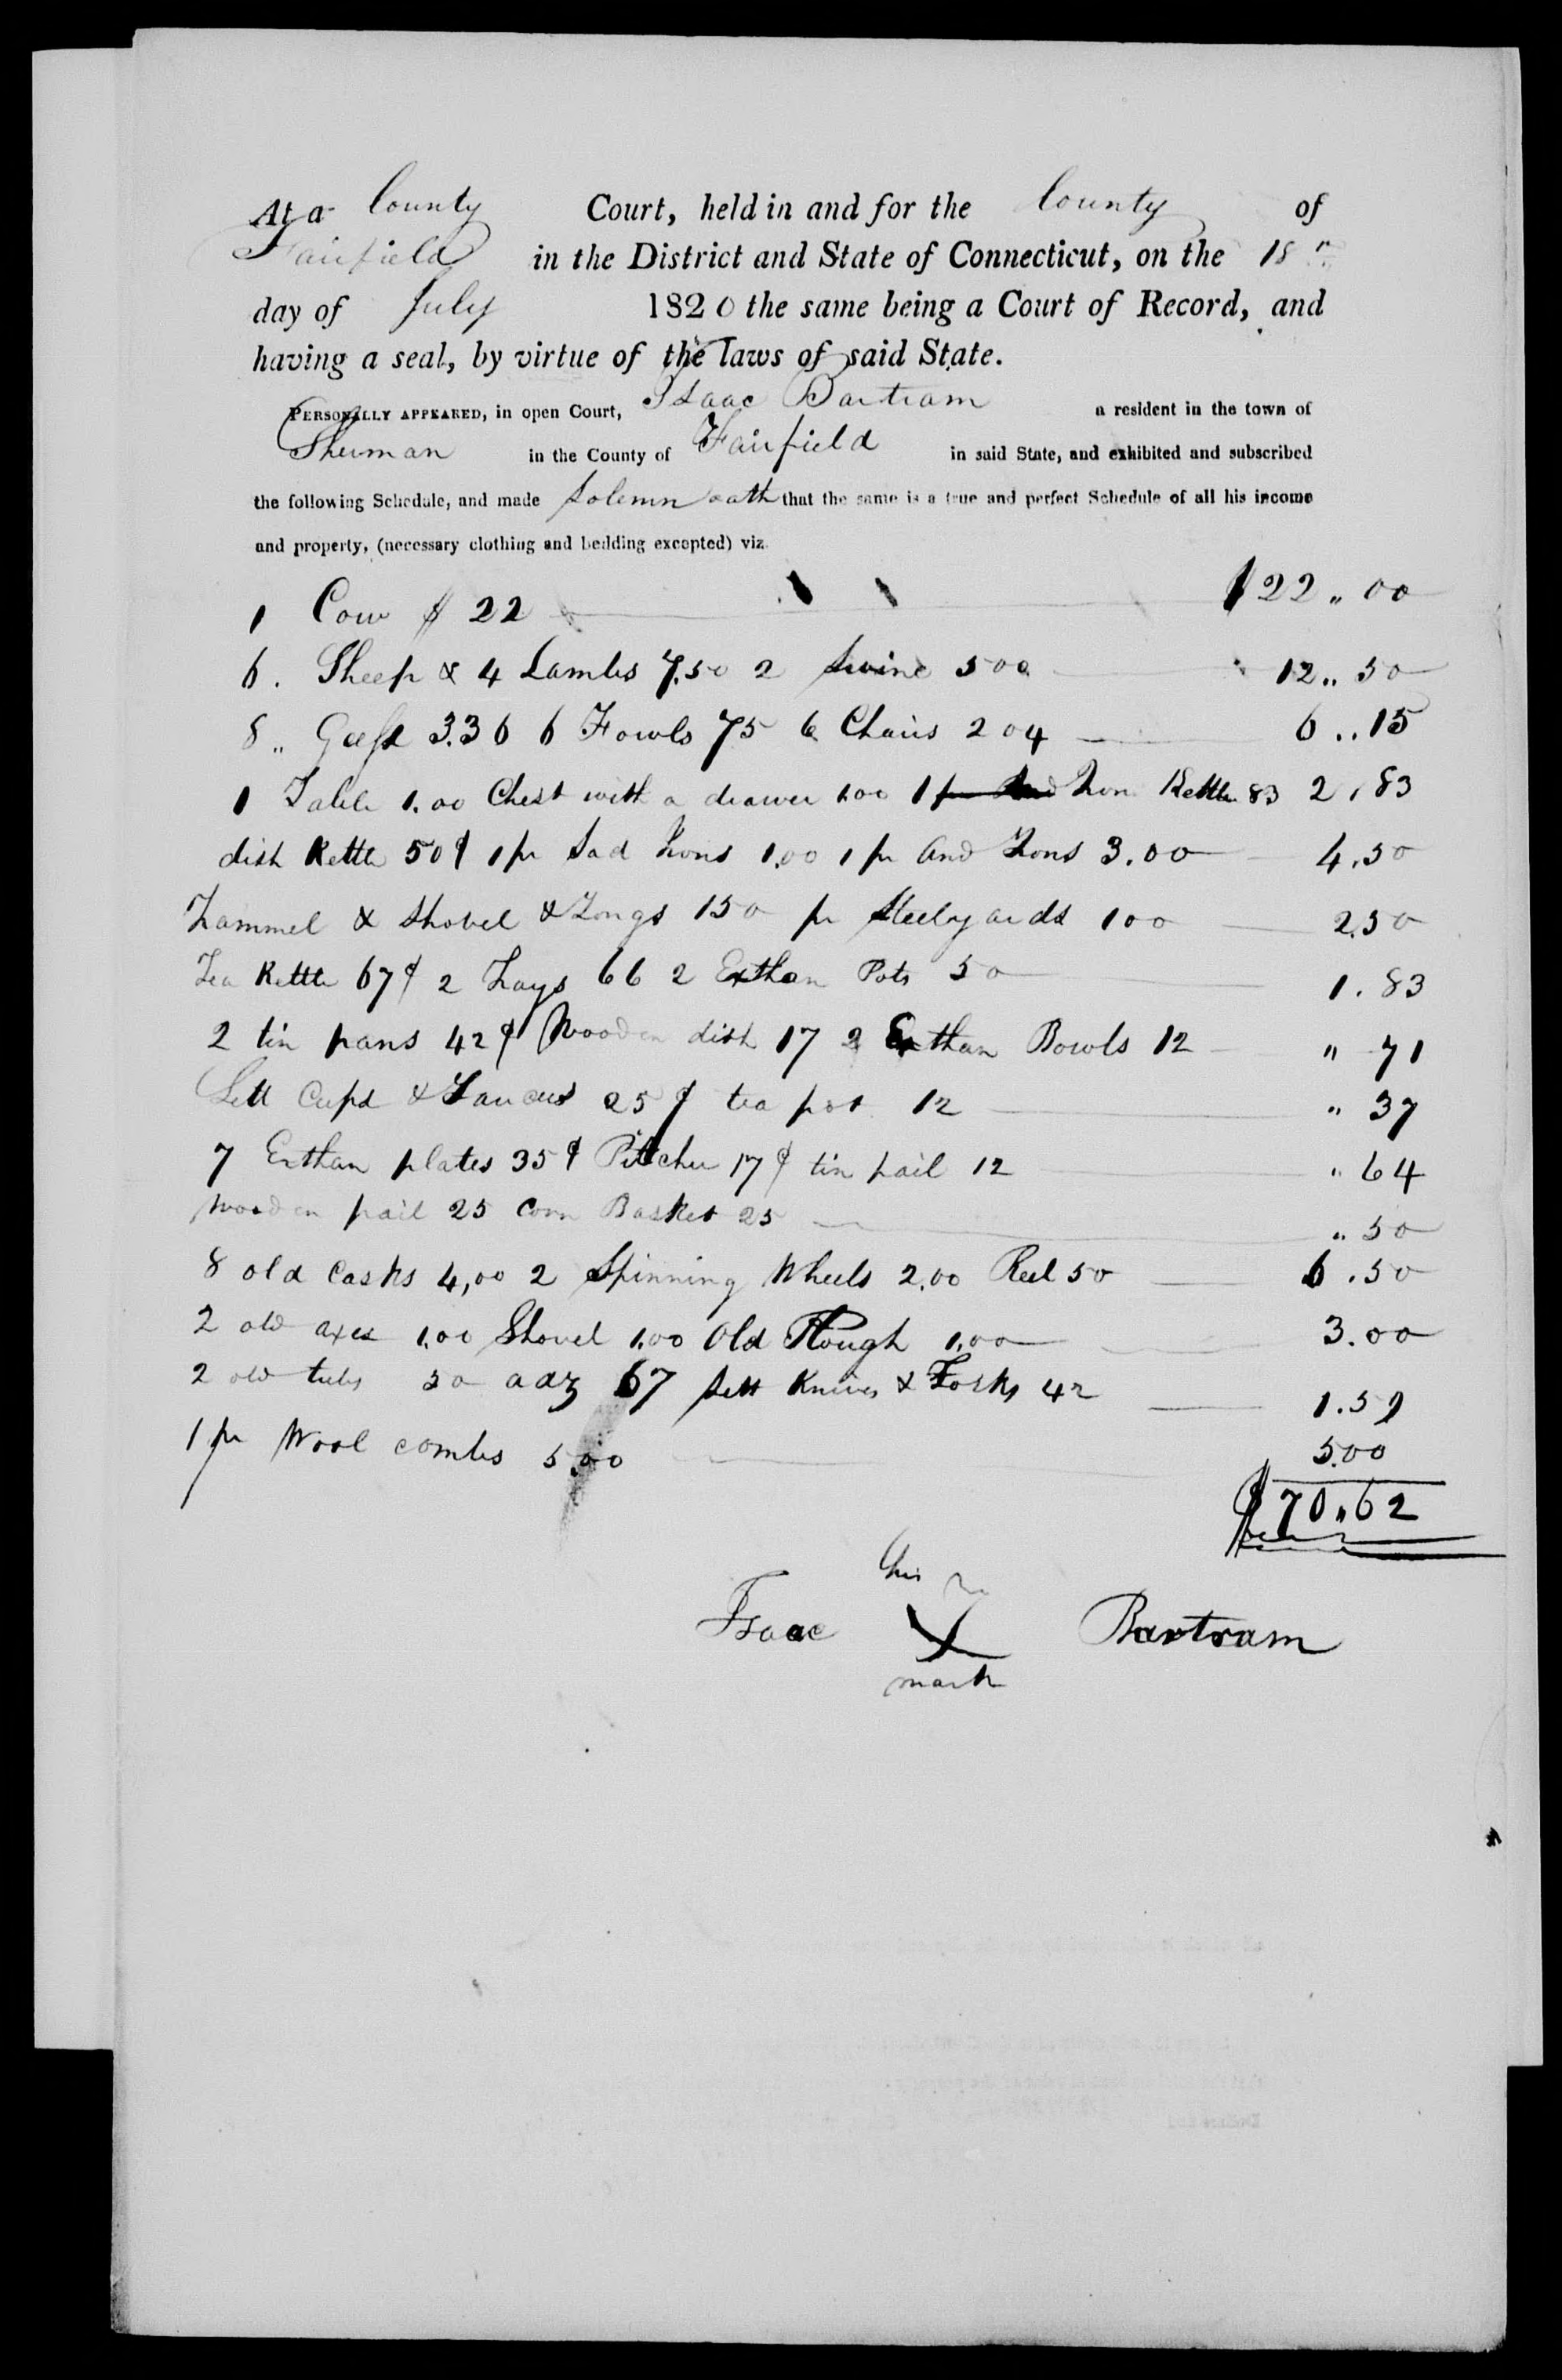At a County Court, held in and for the County
of
Fairfield in the District and State of Connecticut on the 18
day of July 1820 the same being a Court of Record, and
having a seal, by virtue of the laws of said State.
Personally appeared, in open Court,
Isaac Bartram a resident in the town of Sherman in the County of Fairfield in said State, and exhibited and subscribed
the following Schedule, and made solemn oath that the same is a true and perfect Schedule of all his income
and property, necessary clothing and bedding excepted) viz
1 Cow $22                                               $22.00
6 Sheep & 4 Lambs 7.50 2 Swine 500      12. 50
8 Guss 3.36 6 Fowls 75 6 Chairs 204           6.15
1 Table 1.00 chest with a drawer 1.00                   1 hon Kettle 83                                           2.83
dish Kettle 50 1 pr Sad hons 1.50 1 pr and Sons 3.00                                                    4.50
Hammel & Shovel & Tongs 150 pr      Steelyards 100                                             2.50
Tea Kettle 67 2 Lays 66 2 Exthan Pots 50     1.83
2 tin pans 42 Wooden dish 172 Ethan        Bowls 12                                                      1.71
sett Cups & saucers 25 of tea pot 12          1.37
7 Erthan plates 35 1 Pitcher 17 tin pail 12   1.64
Wooden pail 25 Corn Basket 25                  1.50
8 old Casks 4,00 2 Spinning Wheels 2.00
Reel 50                                                         6.50
2 old axes 1.00 Shovel 1.00 Old plough
1,00                                                              3.00
2 old tubs 20 adz 67 sett Knives & forks
42                                                                 1.59
1 pr Wool combs 5.00                                 5.00

                                                                 $70.62

            his
Isaac     X     Bartram
          mark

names: Isaac Bartram, Isaac Bartram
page: 8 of 39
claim: survivor's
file: S. 12110, Isaac Bartram, Continental (Conn)